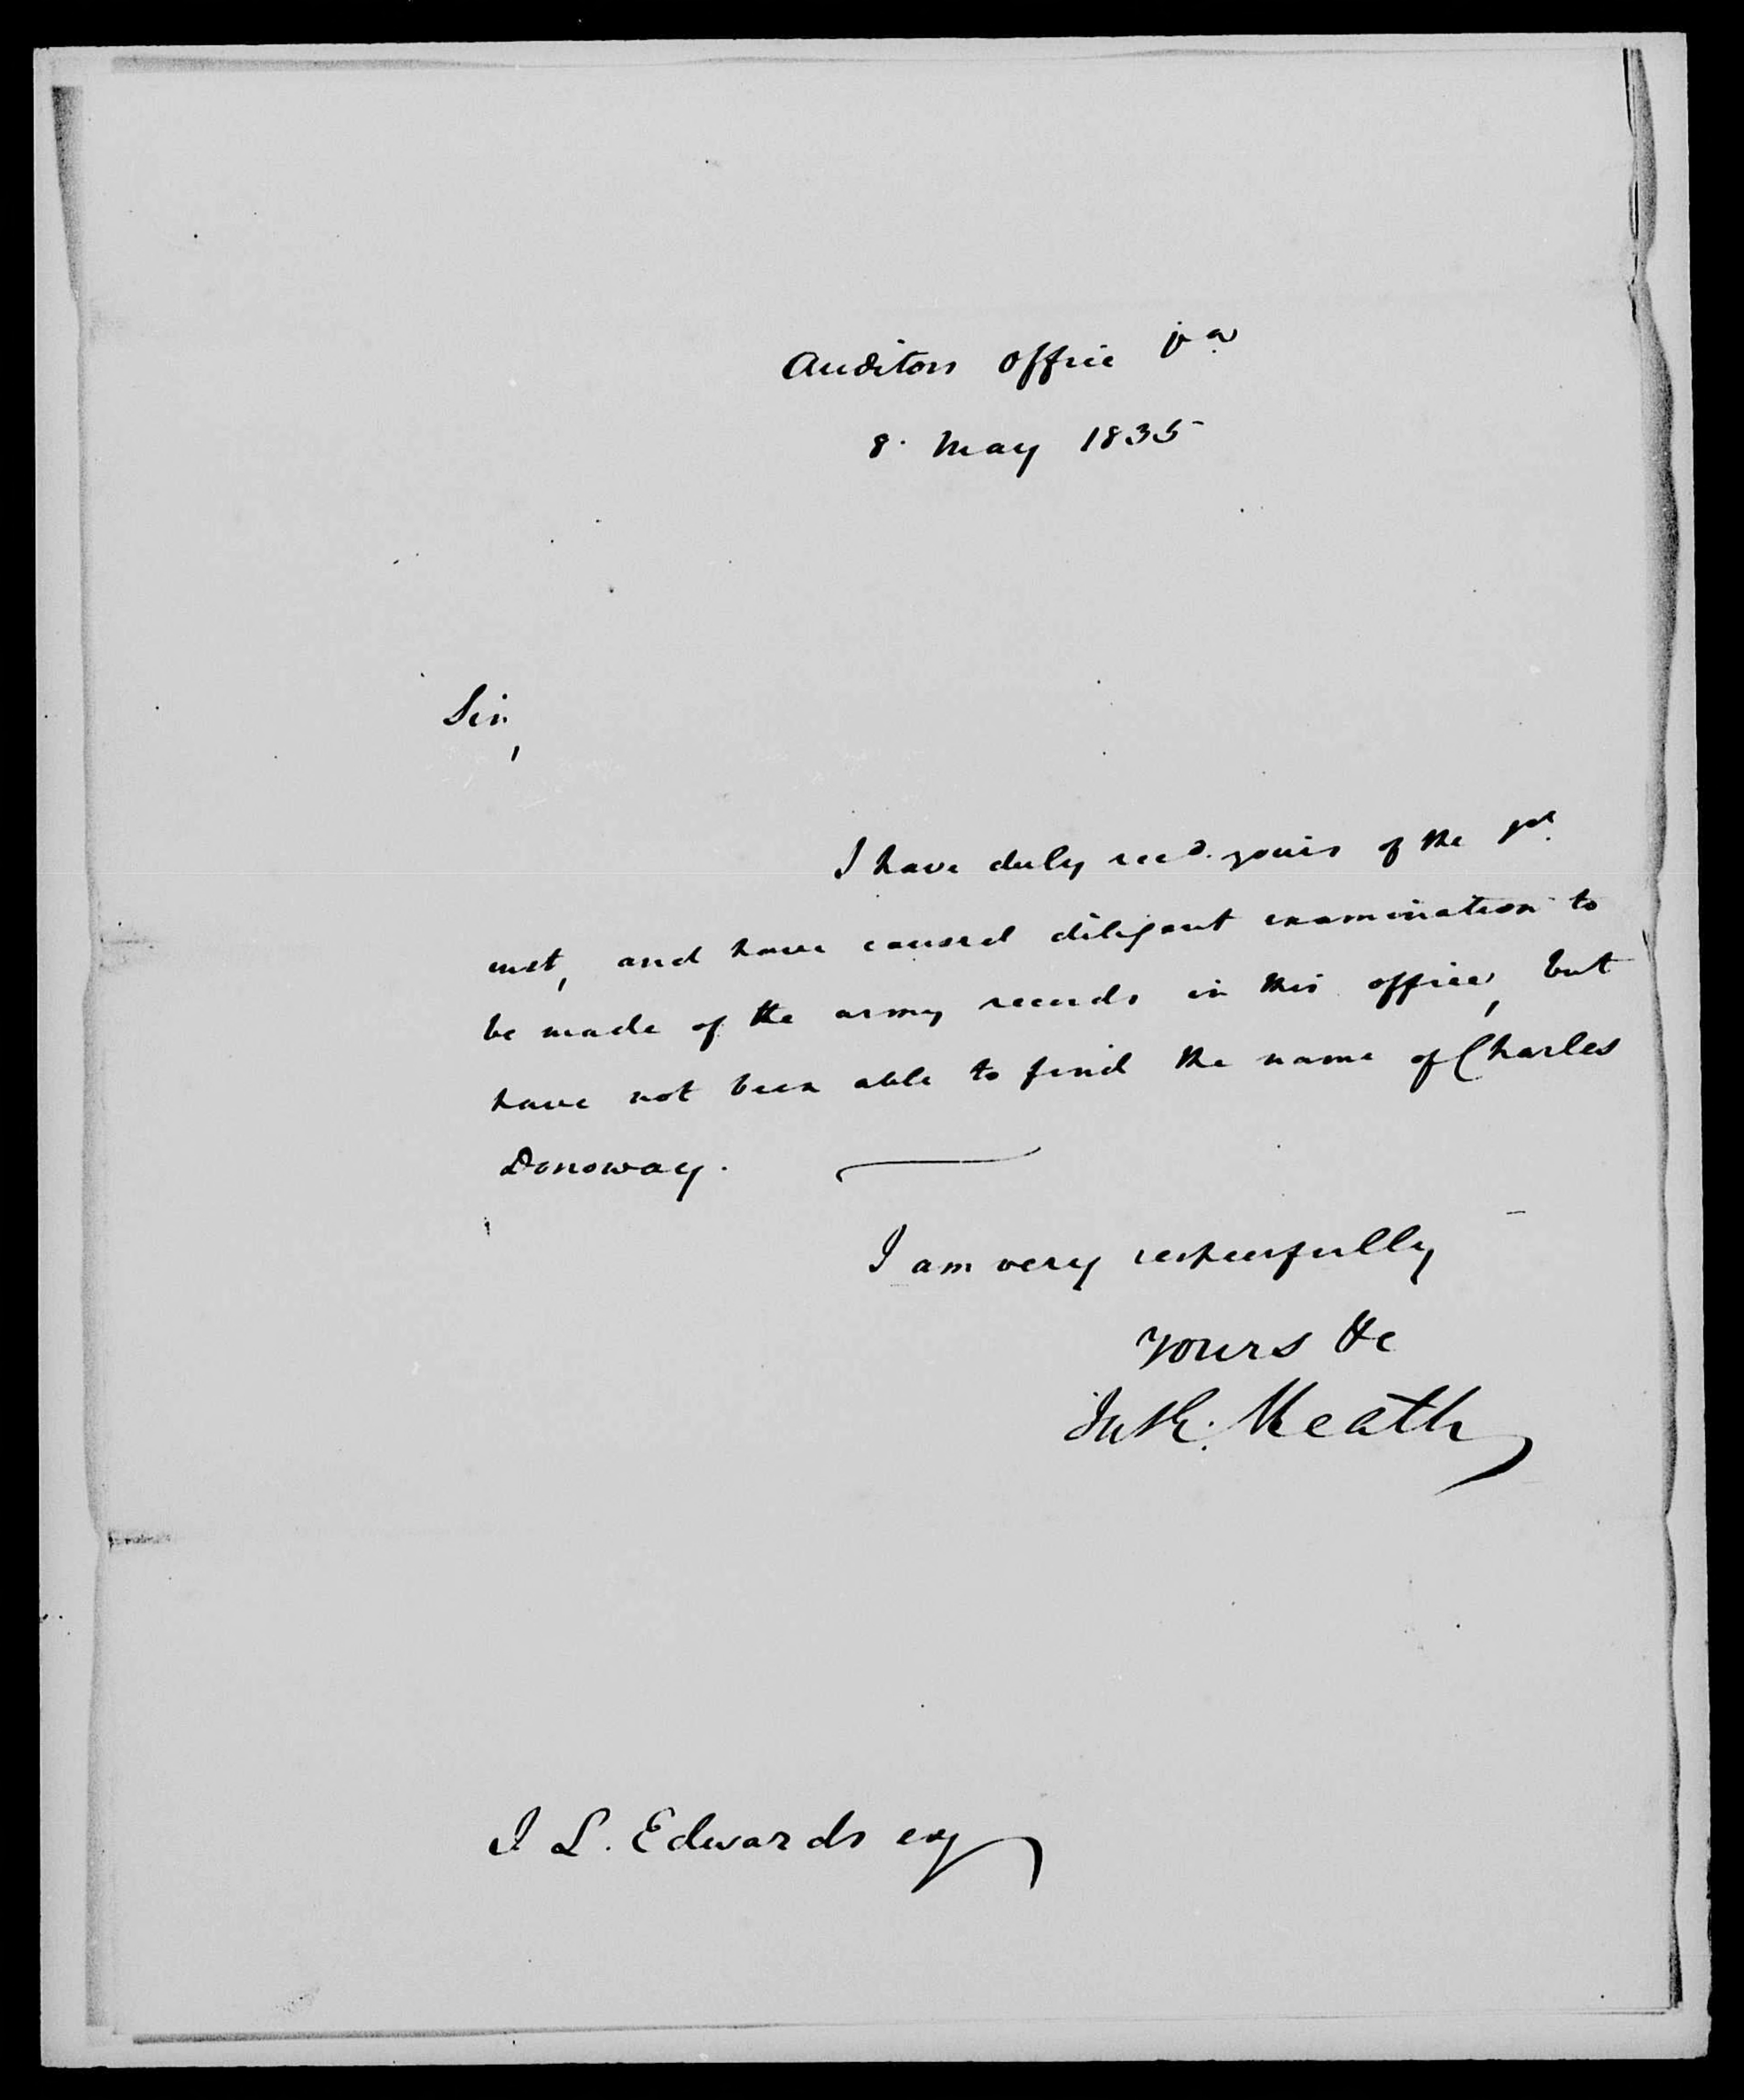Auditors Office Va.
8. May 1835
Sir,
I have duly recd. yours of the 1st inst, and have caused diligent examination to be made of the army records in this office, but have not been able to find the name of Charles Donoway.
I am very respectfully
Yours &c
Jas E. Heath
J. L. Edwards esq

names: J L Edwards, Charles Donoway, Jas E Heath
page: 17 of 29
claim: rejected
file: R. 3010, Charles Donaway, Va.